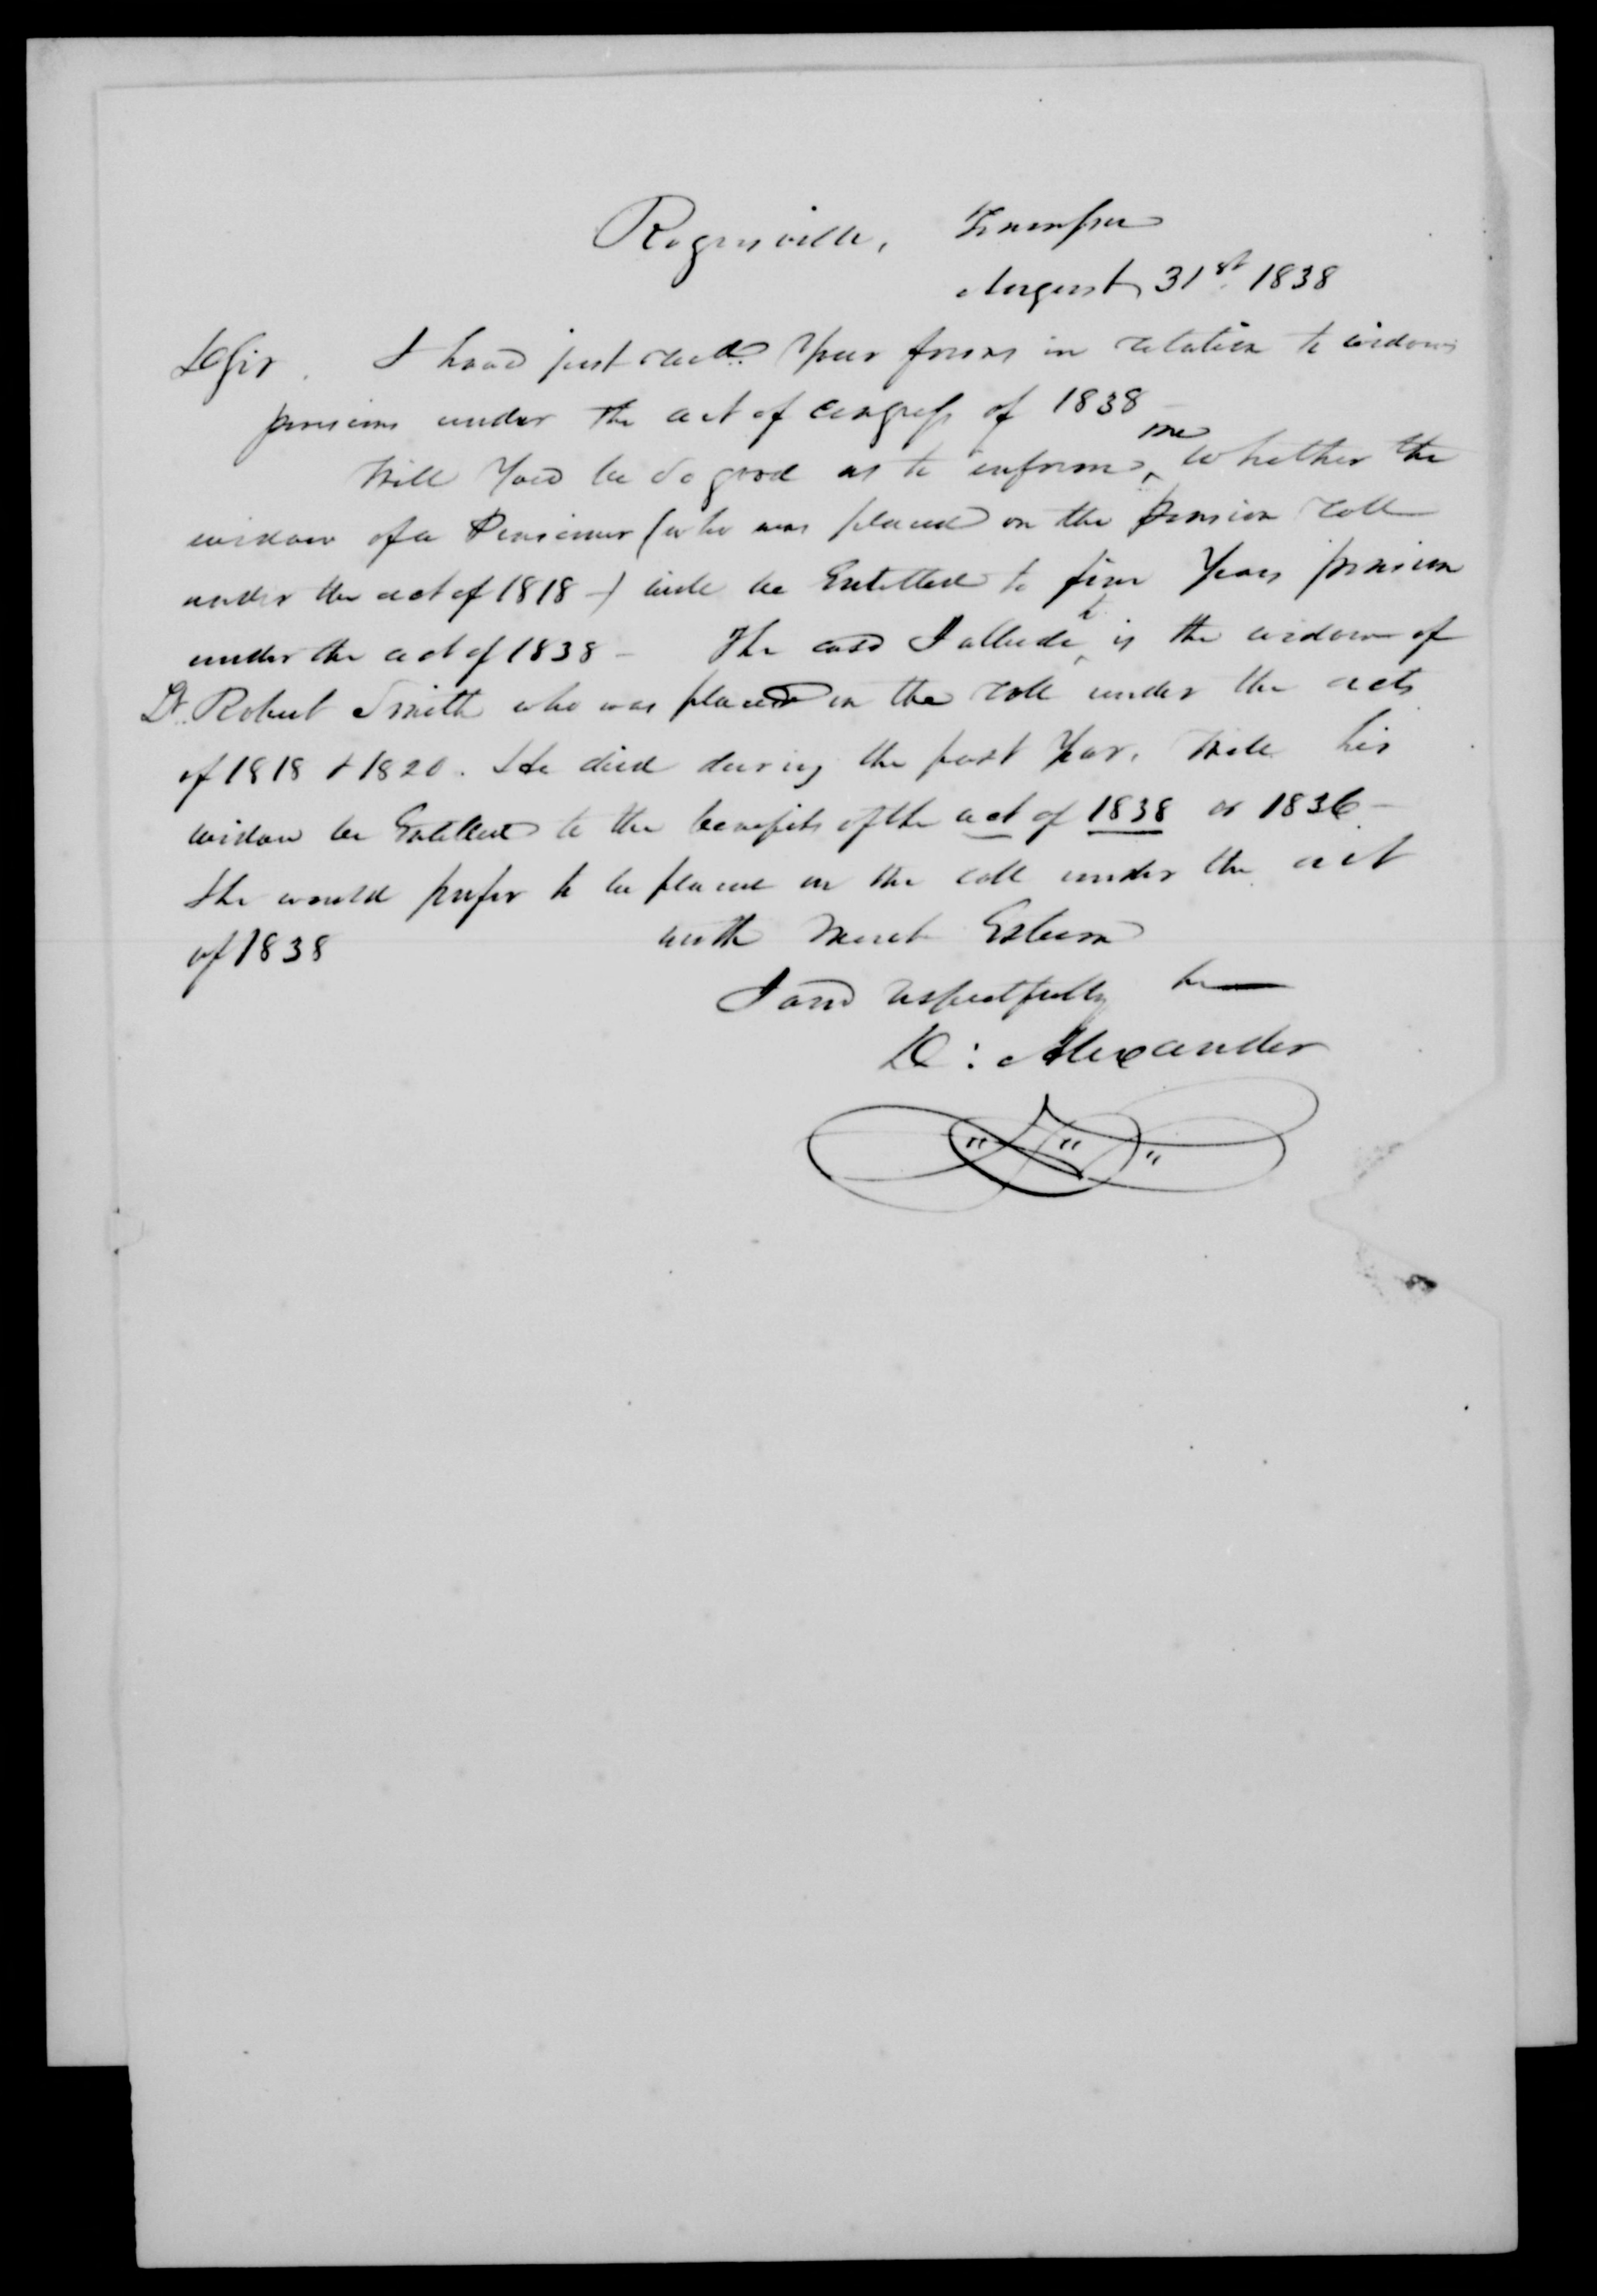Rogersville, Tennefsee
August 31st 1838

Dfir [DSir] I have just recd. Your forms in relation to widows pension under the act of congrefs of 1838
Will You be so good as to inform me whether the widow of a Pensioner (who was placed on the pension roll under the act of 1818) will be Entitled to five Years pension under the act of 1838 - The case I allude to is the widow of Lt. Robert Smith who was placed in the roll under the acts of 1818 + 1820 - He died during the past Year, will his widow be Entitled to the benefits of the act of 1838 or 1836 - She would prefer to be placed on the roll under the act of 1838
With Much Esteem
I am respectfully 
D Alexander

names: D Alexander; Robert Smith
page: 79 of 79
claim: widow's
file: W. 1504, for Robert Smith, North Carolina